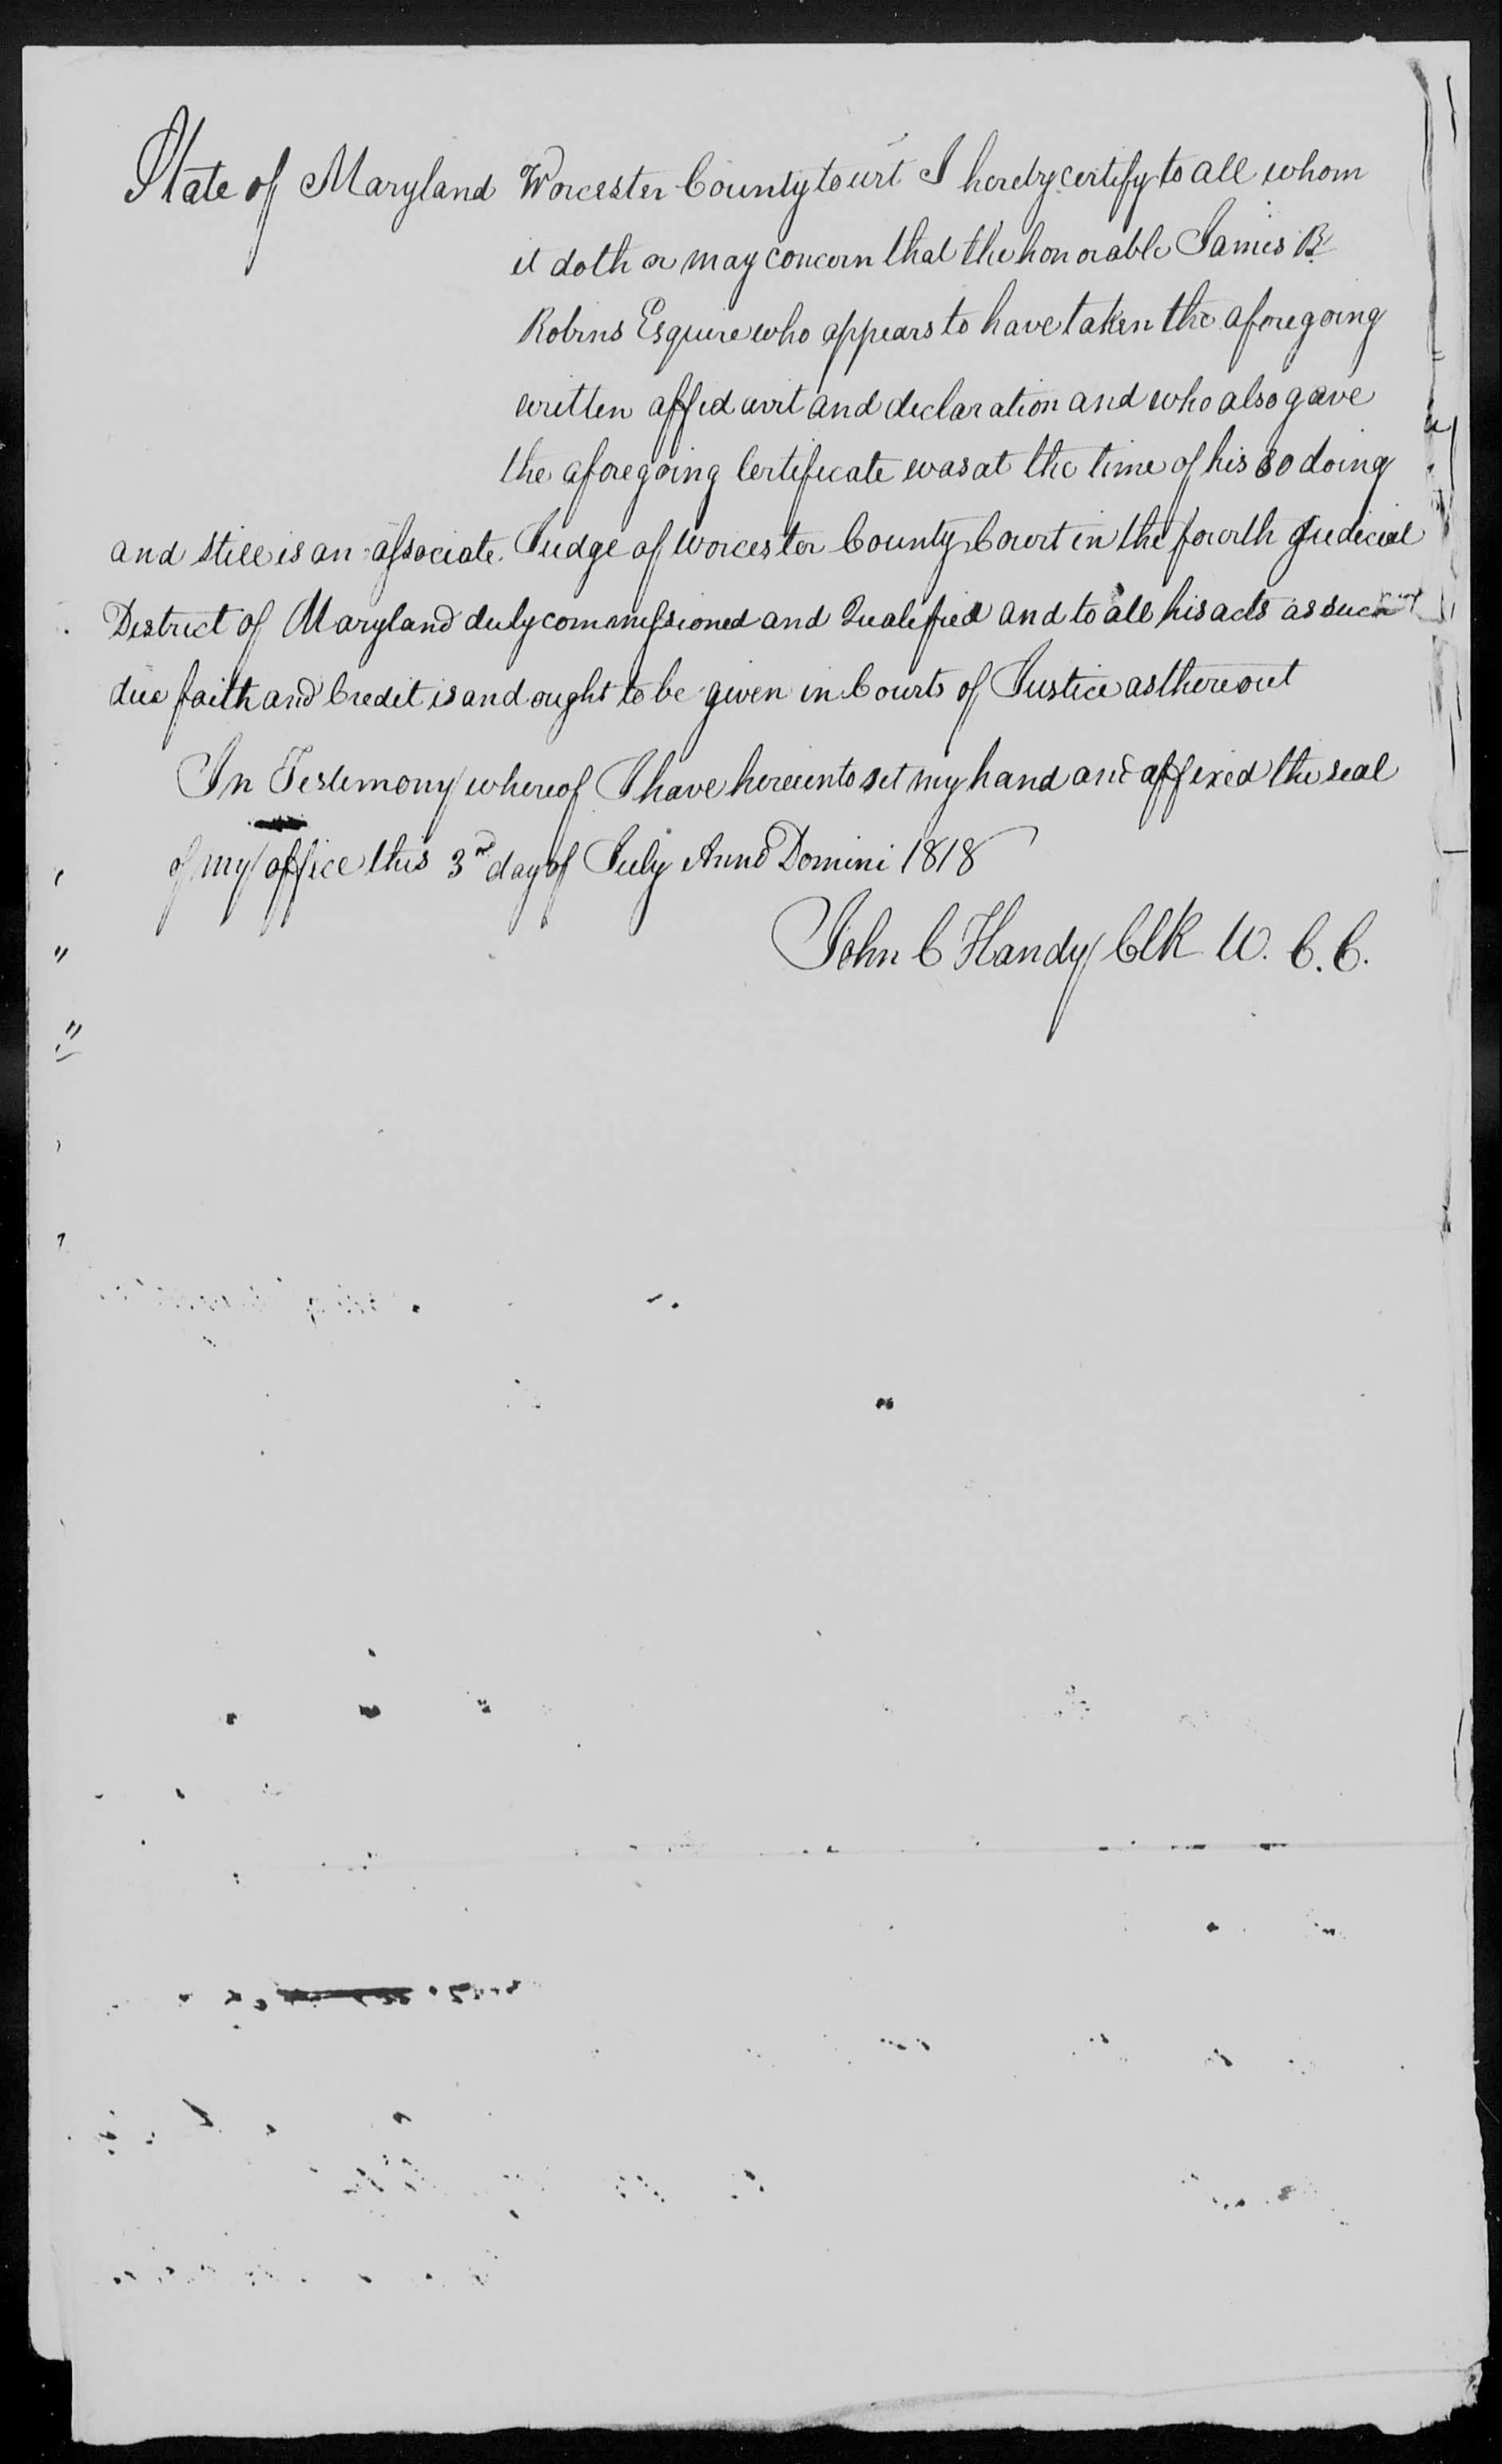State of Maryland Worcester County Court

I hereby certify to all whom it doth or may concern that the honorable James B Robins Esquire who appears to have taken the aforegoing written affidavit and declaration and who also gave the aforegoing Certificate was at the time of his so doing and still is an associate Judge of Worcester County Court in the fourth Judicial District of Maryland duly commissioned and Qualified and to all his acts as such due faith and Credit is and ought to be given in Courts of Justice as thereout 

In testimony whereof I have hereinto set my hand and affixed the seal of my office this 3 rd day of July Anno Domini 1818

John C Handy Clk W. C. C.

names: James B Robins, John C Handy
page: 6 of 18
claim: survivor's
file: S. 34654, Jacob Blake, Md.